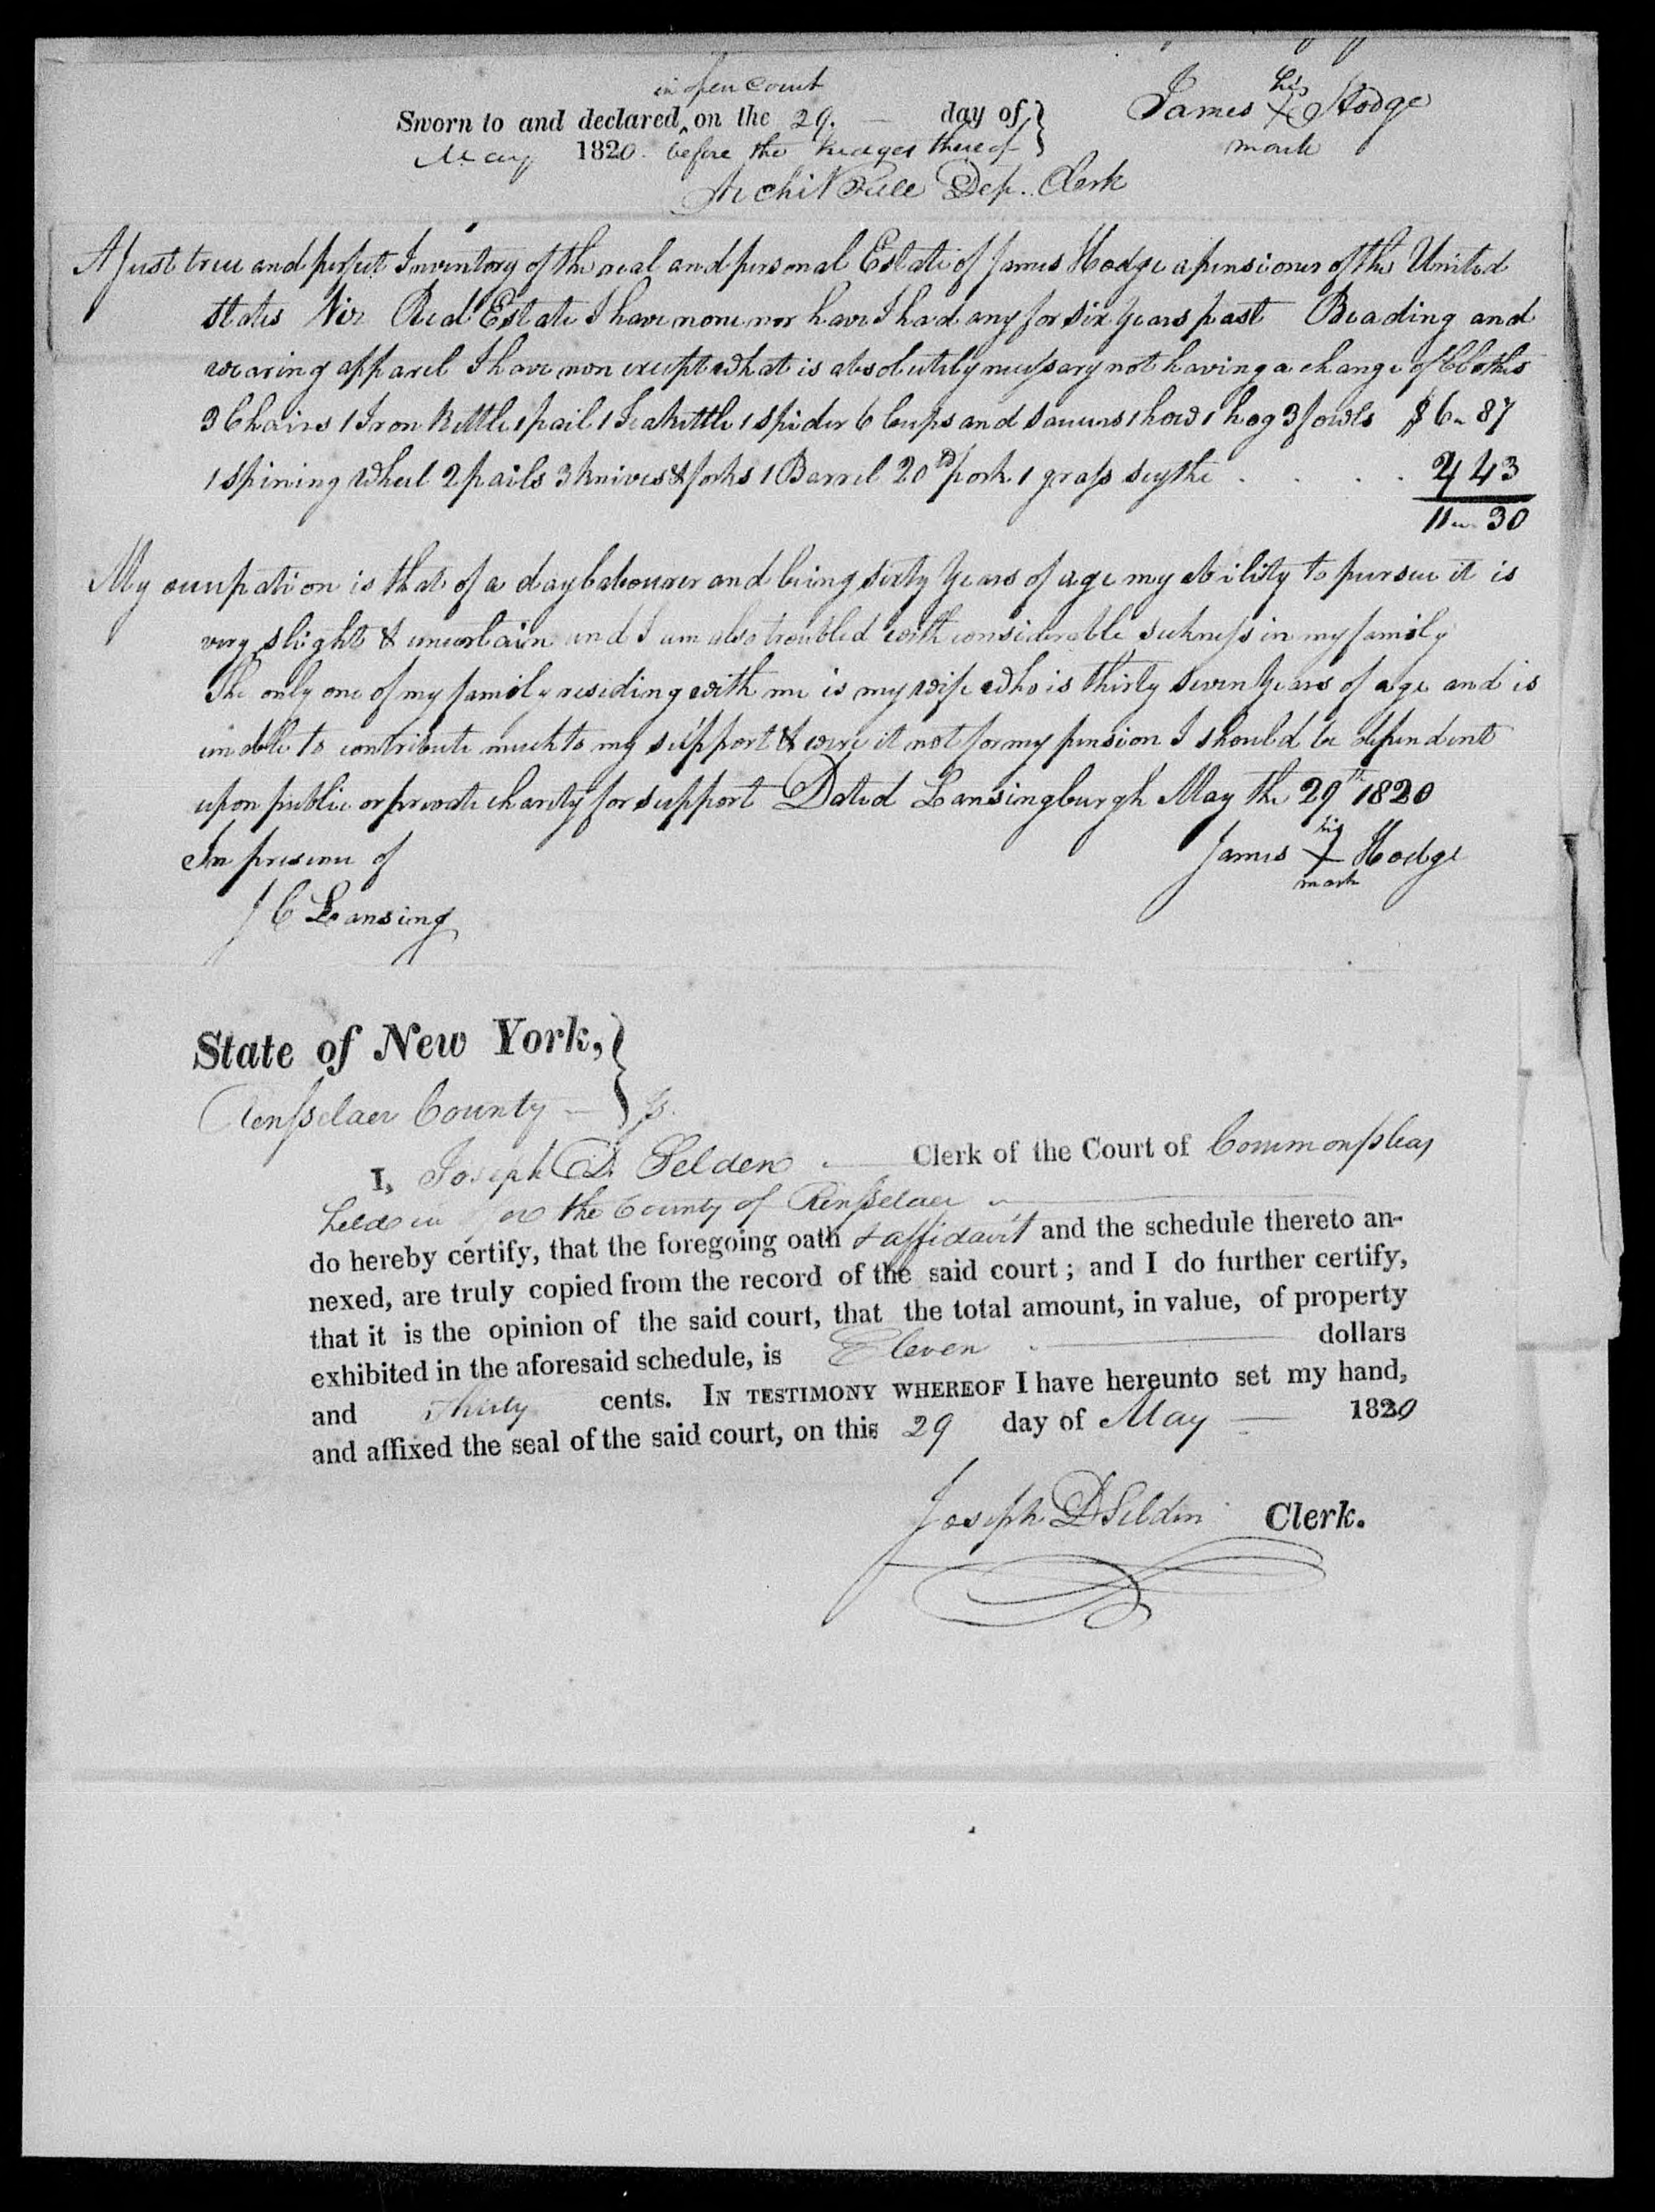Sworn to and declared [in open court] on the 29.- day of 
May 1820. before the judge thereof
Archie Bull Dep. Clerk 

His
James X Hodge
mark

A just true and perfect Inventory of the real and personal Estate of James Hodge, a [?] of the United
States Sir Real Estate I have none nor have I had any for six years past Beading and 
[?] appare I have non except what is absolutely [necessary?] not having a change of clothes
3 Chairs 1 Iron [Bittle?] 1 pail 1 Teakettle 1 [Spider?] 6 Lamps and [?] 1 [how?] 1 hog 3 fowls $6.87
1 Spinning Wheel 2 pails 3 knives & forks 1 Barrel 20 Pork 1 grafs scythe . . . 4 43
11. 30
My occupation is that of a daylabourer and being sixty years of age my ability to pursue it is
very slight & uncertain and I am also troubled with considerable sicknefs in my family
The only one of my family residing with me is my wife who is thirty seven years of age and is
unable to contribute much to my support & were it not for my pension I should be dependent 
upon public or private charity for support. Dated Lansingburgh May the 29th 1820
In presence of 
J C Lansing

his 
James X Hodge
mark
State of New York,
Renfselaer County
I, Joseph D. Selden Clerk of the Court of Common Pleas
held in for the County of Renfselear 
do hereby certify, that the foregoing oath + affidavit and the schedule thereto an-
nexed, are truly copied from the record of the said court ; and I do further certify,
that it is the opinion of the said court, that the total amount, in value, of property
exhibited in the aforesaid schedule, is Eleven dollars
 and thirty cents. IN TESTIMONY WHEREOF I have here set my hand,
and affixed the seal of the said court, on the 29 day of May 1820
Joseph D Selden Clerk.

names: James Hodge, Joseph D Selden, Archi Bull, Joseph D Selden, James Hodge, James Hodge, J C Lansing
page: 5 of 48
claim: widow's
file: W. 10476, James Hodge, New York